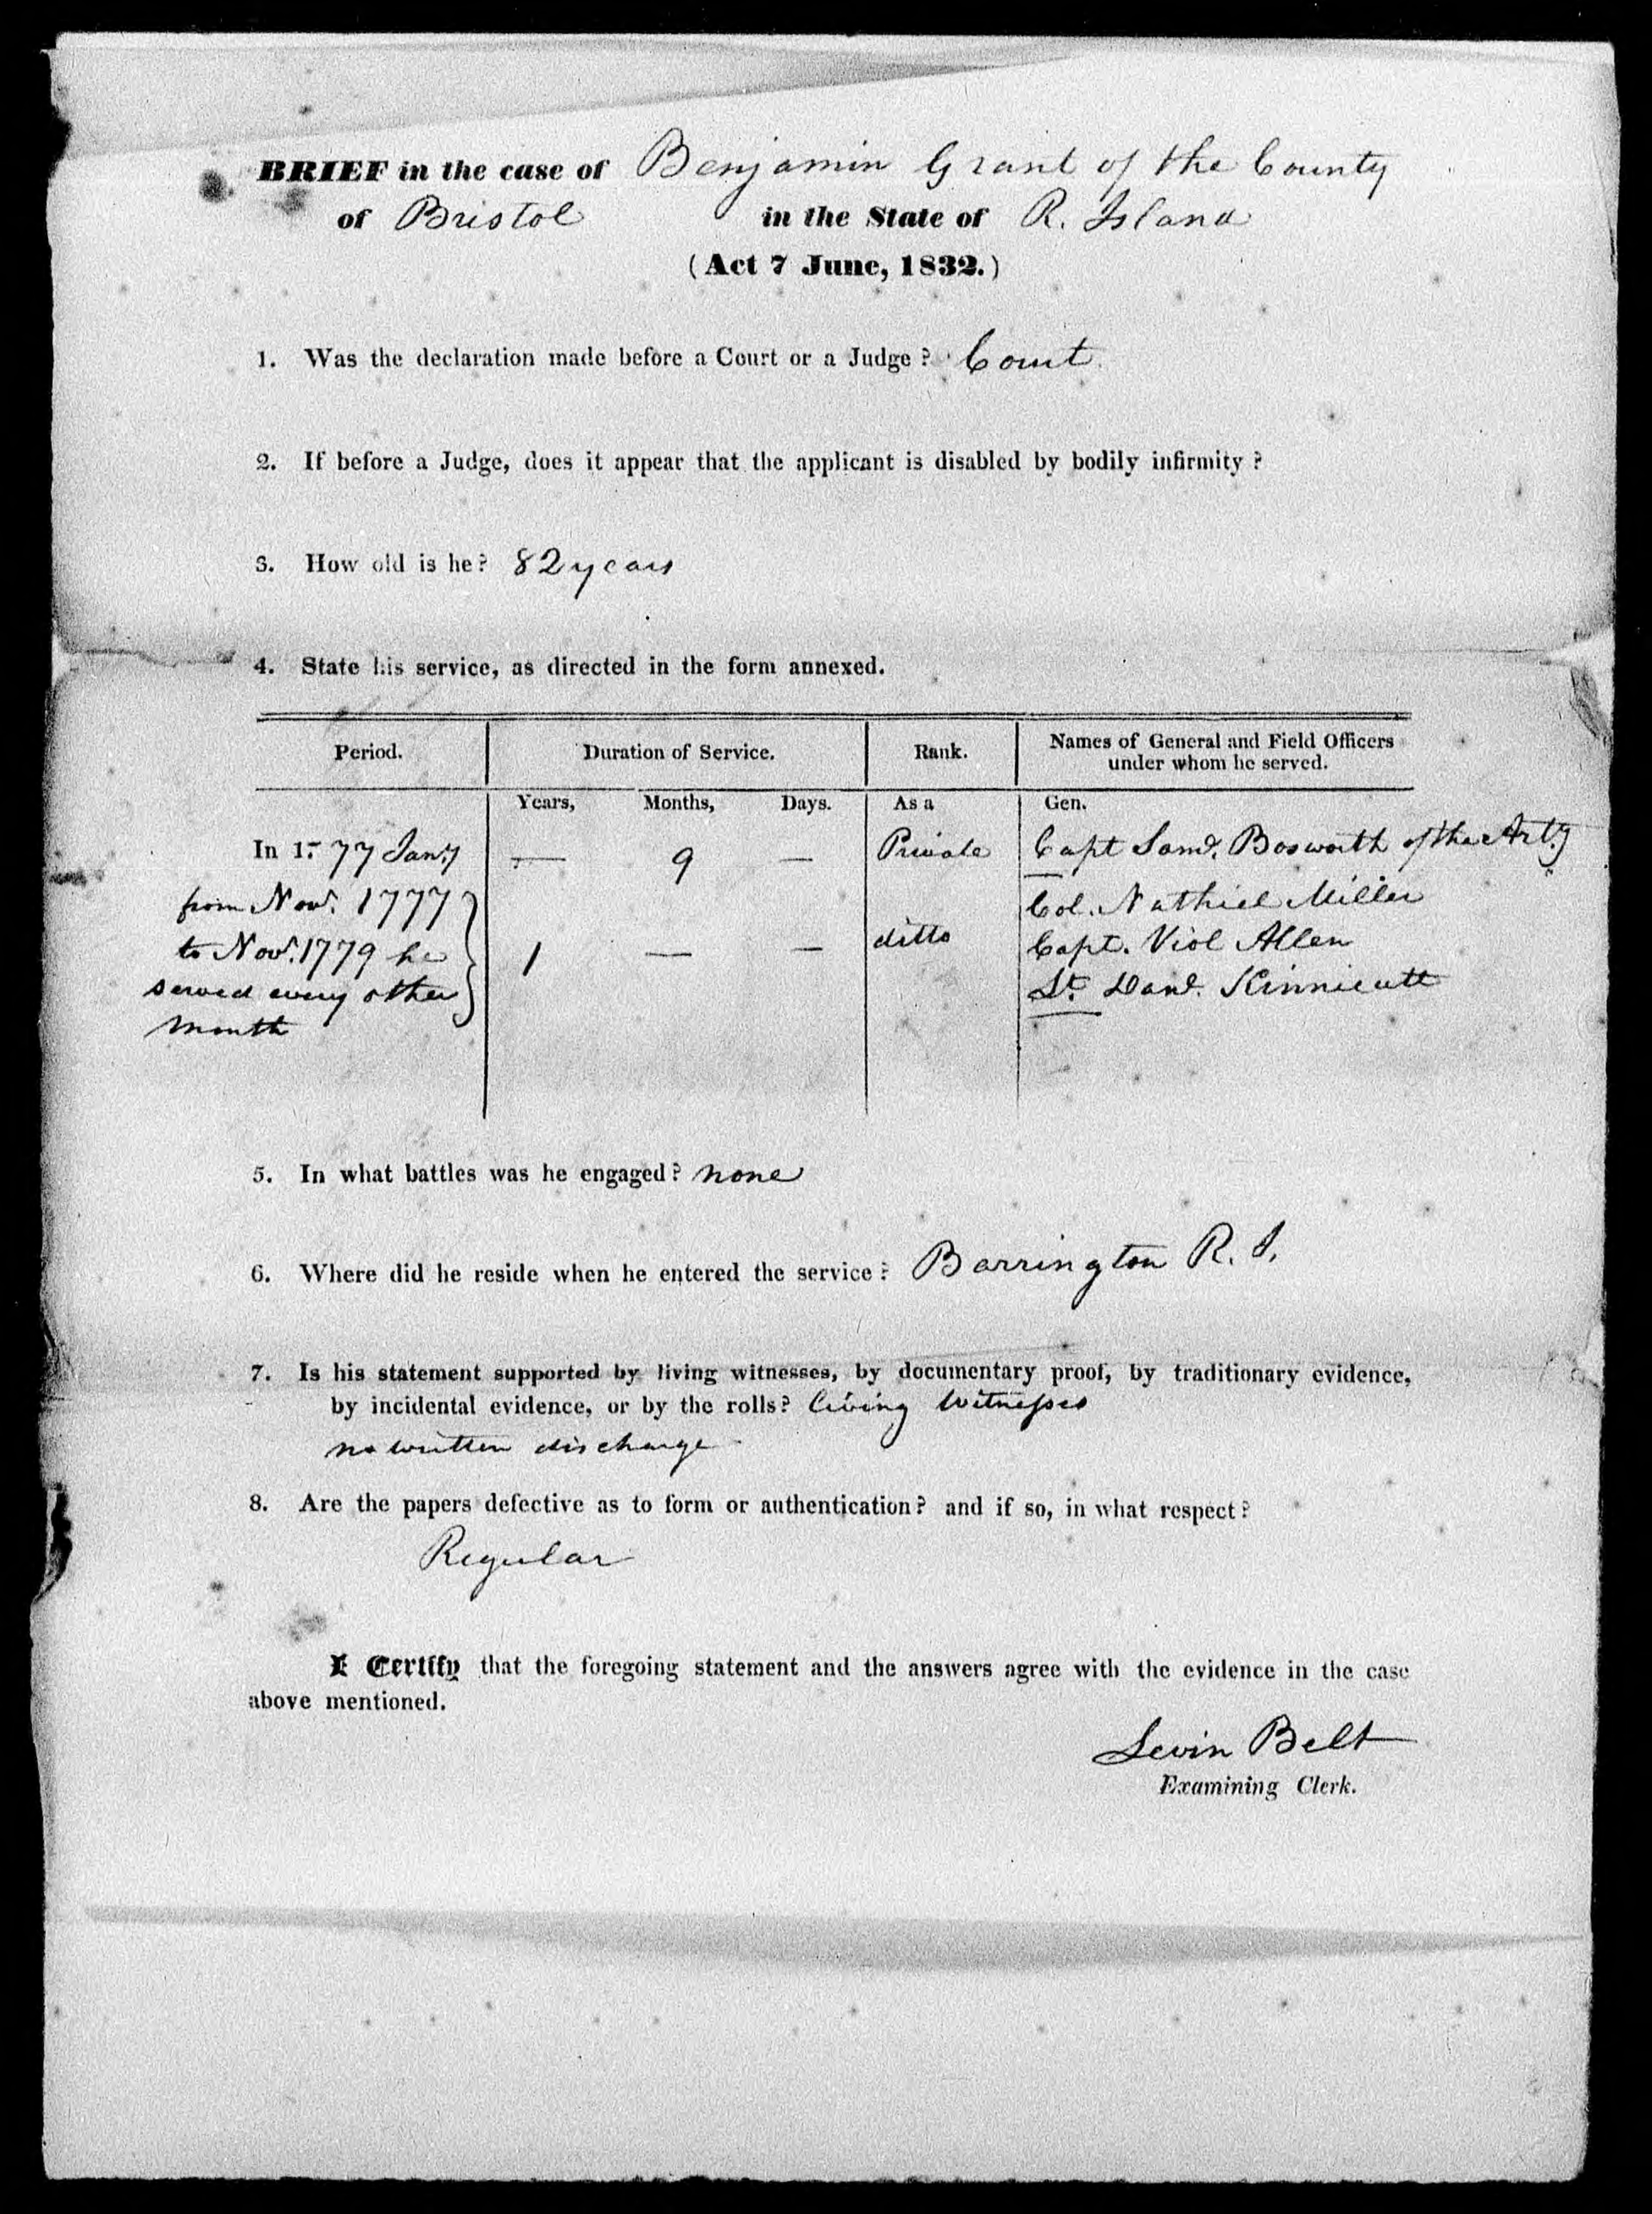BRIEF in the case of Benjamin Grant of the County of Bristol in the State of R. Island
(Act 7 June, 1832.)

1. Was the declaration made before a Court or a Judge? Court

2. If before a Judge, does it appear that the applicant is disabled by bodily infirmity? [blank]

3. How old is he? 82 years

4. State his service, as directed in the form annexed.

Period. Duration of Service. Rank. Names of General and Field Officers under whom he served.
[Row 1] In 1777 Jany. 9 Months. As a Private. Capt. Saml. Bosworth of the Arty.
[Row 2] from Novr. 1777 to Novr. 1779 he served every other month. 1 Year. ditto [As a Private]. Col. Nathiel [Nathan] Miller
Capt. Viol [Viall] Allen
St. [Sergeant] Danl. Kinnicutt

5. In what battles was he engaged? none

6. Where did he reside when he entered the service? Barrington R.I.

7. Is his statement supported by living witnesses, by documentary proof, by traditionary evidence, by incidental evidence, or by the rolls? living witnesses
no written discharge

8. Are the papers defective as to form or authentication? and if so, in what respect? Regular

I Certify that the foregoing statement and the answers agree with the evidence in the case above mentioned.

Sevin Belt
Examining Clerk.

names: Viol Allen, Nathiel Miller, Saml Bosworth, Danl Kinnicutt, Levin Belt, Benjamin Grant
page: 7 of 21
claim: survivor's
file: S. 17,446, Benjamin Grant, R.I.